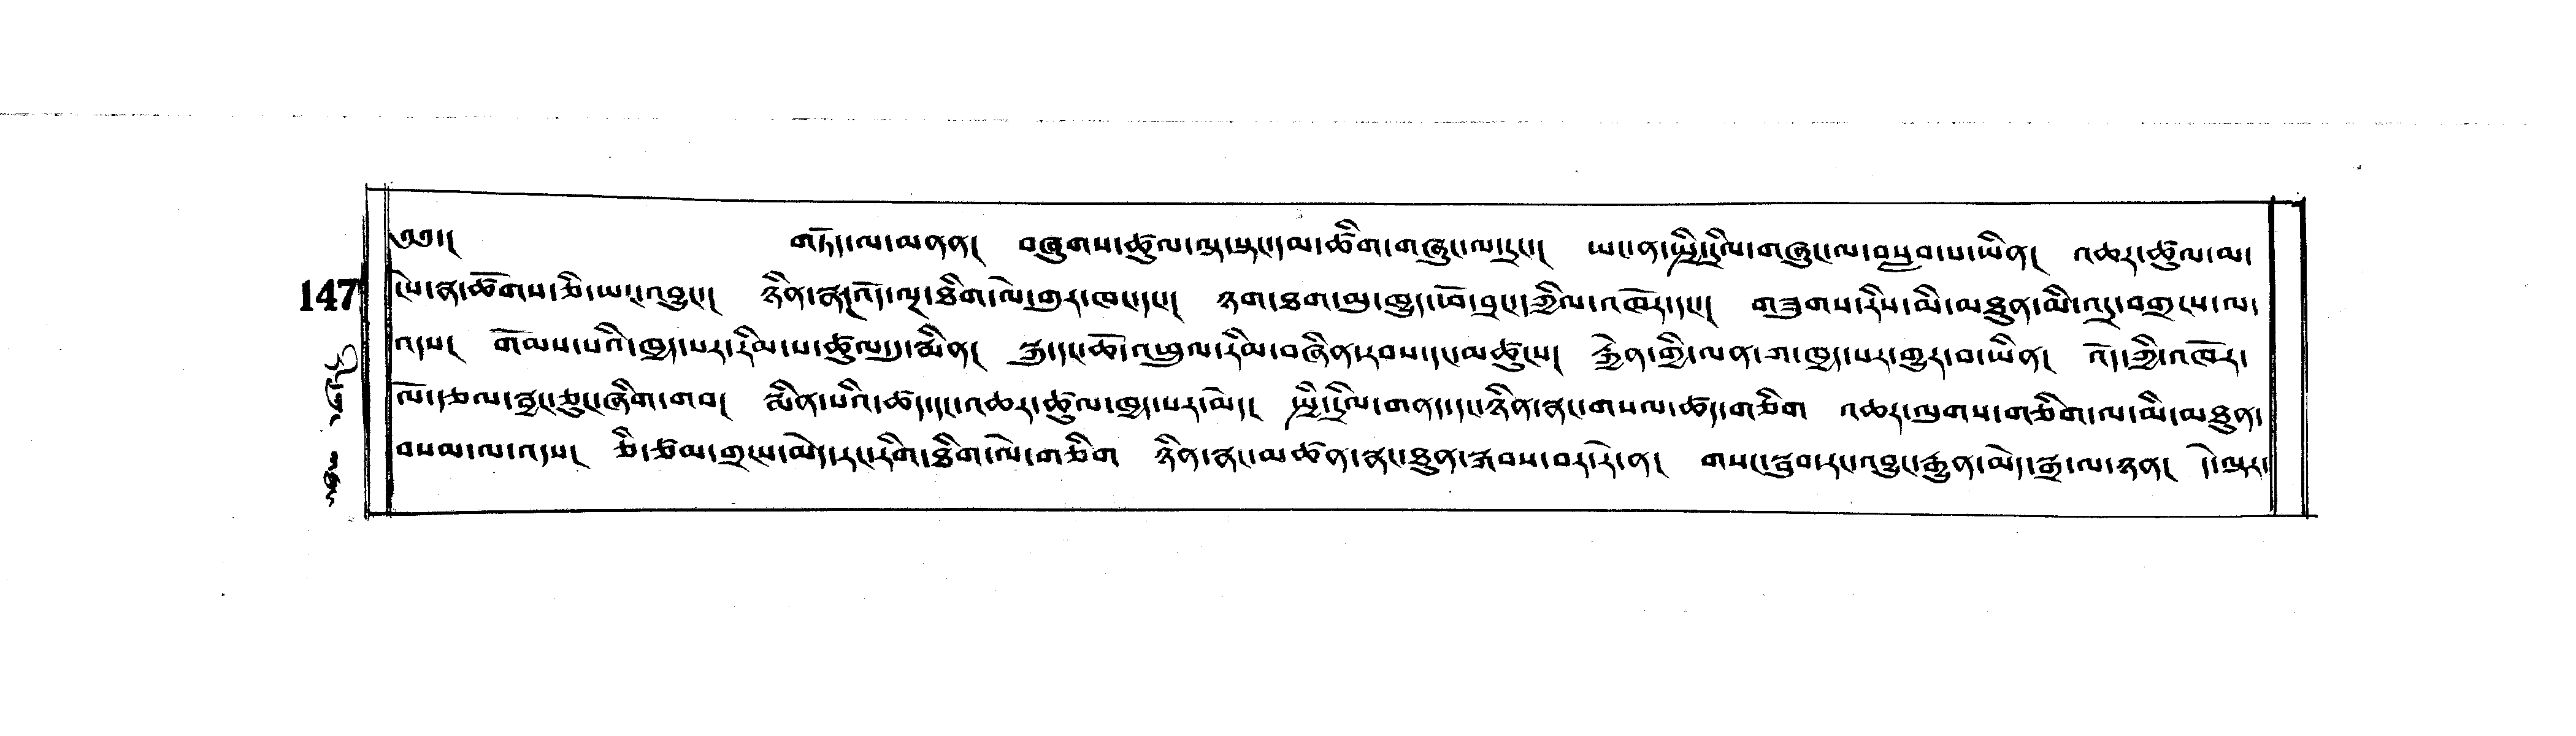གཏོད་ལ་མནན། བཞུགས་ཚུལ་ལྟ་སྟངས་དམ་ཚིག་གཞུང་ལ་དྲང་། ཡང་ན་སྤྱི་དྲིལ་གཞུང་ལ་བསླབ་པ་ཡིན། འཆར་ཚུལ་མ་
ངེས་སྣ་ཚོགས་ཅི་ཡང་འབྱུང་། ཉིན་སྣང་འོད་ལྔ་ཐིག་ལེ་གུར་ཁང་དང་། ཉག་ཐག་མུ་ཁྱུད་ཕོ་བྲང་དཀྱིལ་འཁོར་དང་། གཟུགས་རིས་མི་མཐུན་མི་འདྲ་བགྲང་ལ་
འདས། གོམས་པའི་ཁྱད་པར་རིམ་པ་ཚུལ་དུ་སྨིན། སྐུ་དང་ཆོ་འཕྲུལ་རིམ་བཞིན་རབ་དང་མཚུངས། རྐྱེན་གྱི་ལན་ཀ་ཁྱད་པར་གྱུར་པ་ཡིན། འོད་ཀྱི་འཁོར་
ལོ་རྩལ་སྦྱང་ཅུང་ཞིག་གབ། སྨིན་པའི་ཚད་དང་འཆར་ཚུལ་ཁྱད་པར་མེད། སྤྱི་དྲིལ་གནད་དང་ཉིན་སྣང་གསལ་ཚད་གཅིག འཆར་ལུགས་གཅིག་ལ་མི་མཐུན་
བསམ་ལས་འདས། ཅི་ཙམ་གྲངས་མེད་རང་རིག་ཐིག་ལེ་གཅིག ཉིན་སྣང་མཚན་སྣང་ཐུན་སྐབས་བར་རེ་ན། གསང་སྦུབས་རང་འབྱུང་རྒྱུན་མེད་སྒྲ་ལ་ཉན། དེ་ལྟར་